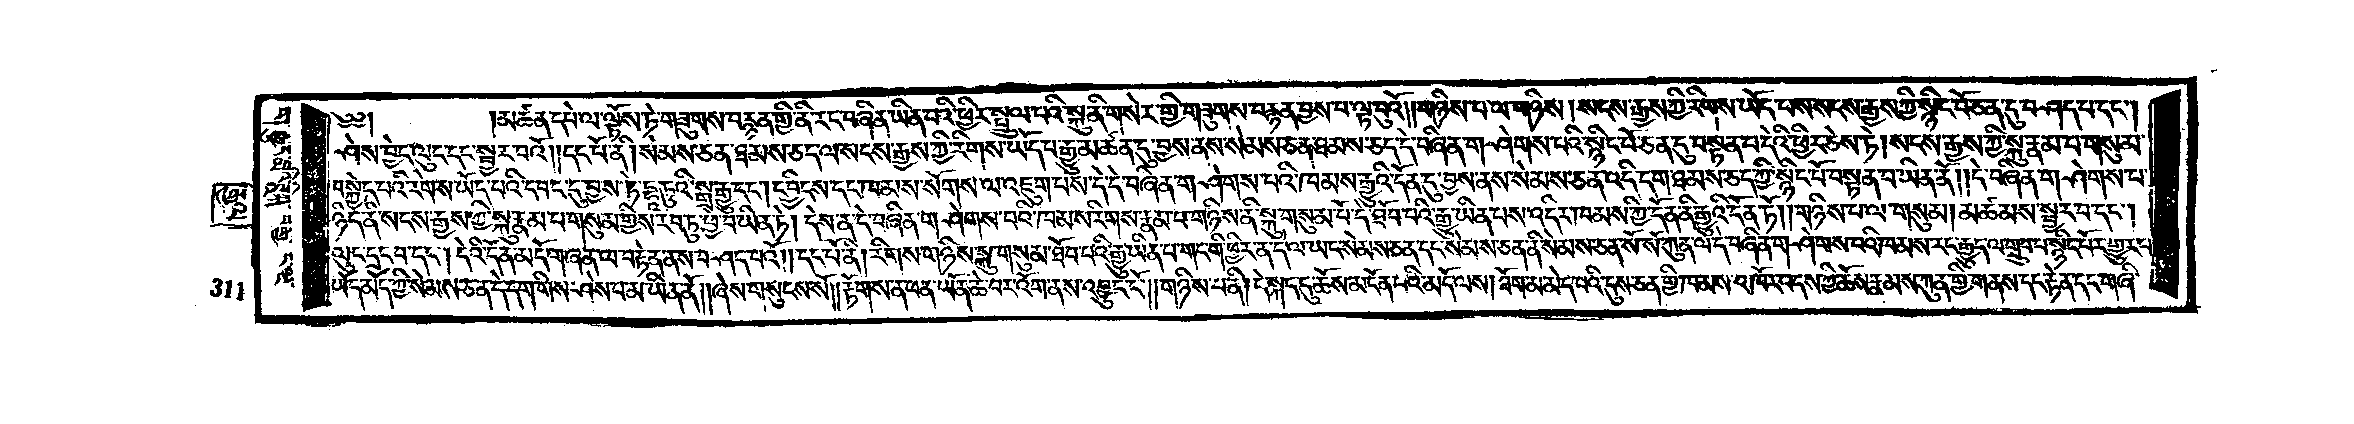༄༅། །མཚན་དཔེ་ལ་ལྟོས་ཏེ་གཟུགས་བརྙན་གྱི་ནི་རང་བཞིན་ཡིན་པའི་ཕྱིར་སྤྲུལ་པའི་སྐུ་ནི་གསེར་གྱི་གཟུགས་བརྙན་བྱས་པ་ལྟ་བུའོ། །གཉིས་པ་ལ་གཉིས། སངས་རྒྱས་ཀྱི་རིགས་ཡོད་པས་སངས་རྒྱས་ཀྱི་སྙིང་པོ་ཅན་དུ་བཤད་པ་དང་།
ཤེས་བྱེད་ལུང་དང་སྦྱར་བའོ། །དང་པོ་ནི། སེམས་ཅན་ཐམས་ཅད་ལ་སངས་རྒྱས་ཀྱི་རིགས་ཡོད་པ་རྒྱུ་མཚན་དུ་བྱས་ནས་སེམས་ཅན་ཐམས་ཅད་དེ་བཞིན་གཤེགས་པའི་སྙིང་པོ་ཅན་དུ་བསྟན་པ་དེའི་ཕྱིར་ཅེས་ཏེ། སངས་རྒྱས་ཀྱི་སྐུ་རྣམ་པ་གསུམ་
བསྐྱེད་པའི་རིགས་ཡོད་པའི་དབང་དུ་བྱས་ཏེ་དྷཱ་ཏུའི་སྒྲ་རྒྱུ་དང་། དབྱིངས་དང་ཁམས་སོགས་ལ་འཇུག་པས་དེ་དེ་བཞིན་གཤེགས་པའི་ཁམས་རྒྱུའི་དོན་དུ་བྱས་ནས་སེམས་ཅན་འདི་དག་ཐམས་ཅད་ཀྱི་སྙིང་པོ་བསྟན་པ་ཡིན་ནོ། །དེ་བཞིན་གཤེགས་པ་
ཉིད་ནི་སངས་རྒྱས་ཀྱི་སྐུ་རྣམ་པ་གསུམ་གྱིས་རབ་ཏུ་ཕྱེ་བ་ཡིན་ཏེ། དེས་ན་དེ་བཞིན་གཤེགས་པའི་ཁམས་རིགས་རྣམ་པ་གཉིས་ནི་སྐུ་གསུམ་པོ་དེ་ཐོབ་པའི་རྒྱུ་ཡིན་པས་འདིར་ཁམས་ཀྱི་དོན་ནི་རྒྱུའི་དོན་ཏོ། །གཉིས་པ་ལ་གསུམ། མཚམས་སྦྱར་བ་དང་།
ལུང་དྲང་བ་དང་། དེའི་དོན་མདོ་གཞན་ལ་བརྟེན་ནས་བཤད་པའོ། །དང་པོ་ནི། རིགས་གཉིས་སྐུ་གསུམ་ཐོབ་པའི་རྒྱུ་ཡིན་པ་གང་གི་ཕྱིར་ན་དེ་ལ་ཡང་སེམས་ཅན་དང་སེམས་ཅན་ནི་སེམས་ཅན་སོ་སོ་ཀུན་ལ་དེ་བཞིན་གཤེགས་པའི་ཁམས་རང་རྒྱུད་ལ་གྲུབ་པ་སྙིང་པོར་གྱུར་པ་
ཡོད་མོད་ཀྱི་སེམས་ཅན་དེ་དག་གིས་ཤེས་པ་མ་ཡིན་ནོ། །ཞེས་གསུངས་སོ། །རྟོགས་ན་ཕན་ཡོན་ཆེ་བར་འོག་ནས་འབྱུང་ངོ། །གཉིས་པ་ནི། དེ་སྐད་དུ་ཆོས་མངོན་པའི་མདོ་ལས། ཐོག་མ་མེད་པའི་དུས་ཅན་གྱི་ཁམས་འཁོར་འདས་ཀྱི་ཆོས་རྣམས་ཀུན་གྱི་གནས་དང་རྟེན་དང་གཞི་